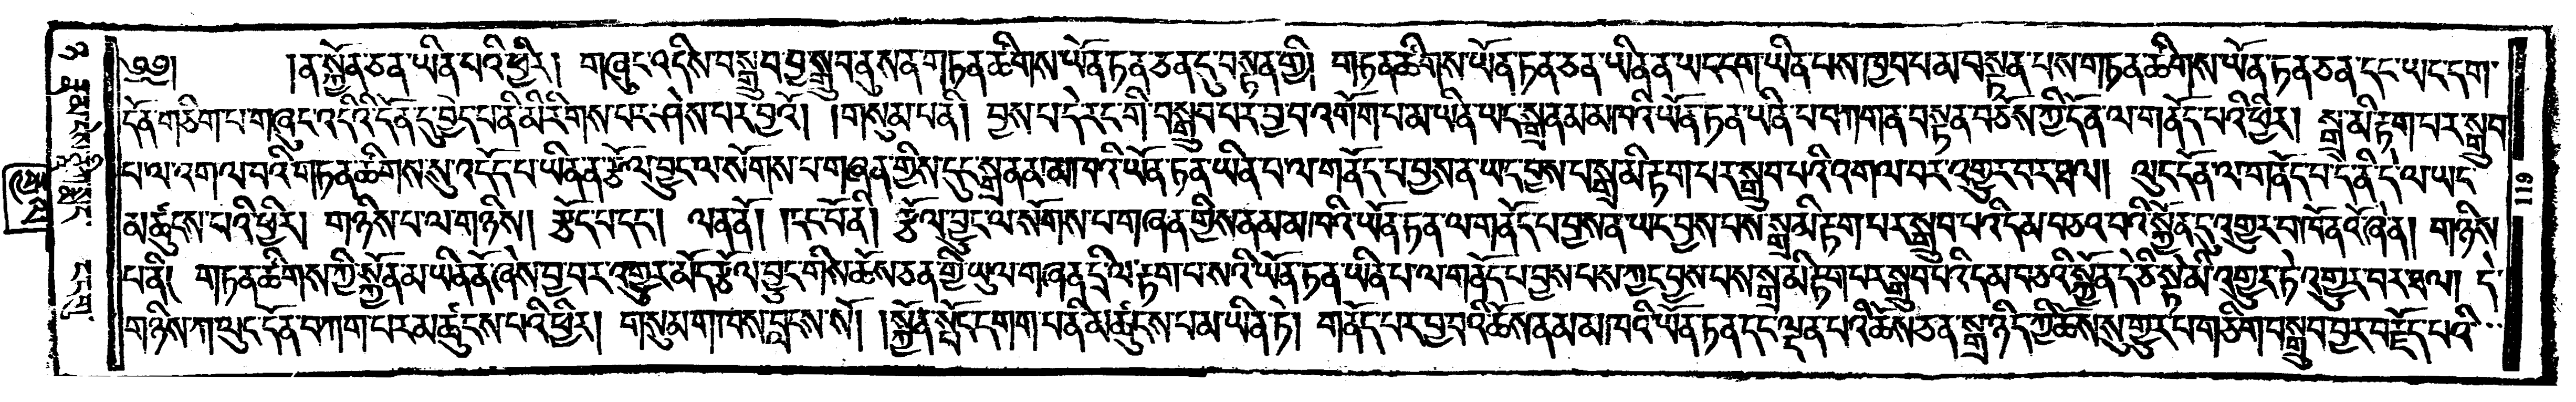༄༅། །ན་སྐྱོན་ཅན་ཡིན་པའི་ཕྱིར། གཞུང་འདིས་བསྒྲུབ་བྱ་སྒྲུབ་ནུས་ན་གཏན་ཚིགས་ཡོན་ཏན་ཅན་དུ་བསྟན་གྱི། གཏན་ཚིགས་ཡོན་ཏན་ཅན་ཡིན་ན་ཡང་དག་ཡིན་པས་ཁྱབ་པ་མ་བསྟན་པས་གཏན་ཚིགས་ཡོན་ཏན་ཅན་དང་ཡང་དག་
དོན་གཅིག་པ་གཞུང་འདིའི་དོན་དུ་བྱེད་པ་ནི་མི་རིགས་པར་ཤེས་པར་བྱའོ། །གསུམ་པ་ནི། བྱས་པ་དེ་རང་གི་བསྒྲུབ་པར་བྱ་བ་འགོག་པ་མ་ཡིན་པ་ཡང་སྒྲ་ནམ་མཁའི་ཡོན་ཏན་ཡིན་པ་བཀག་ན་བསྟན་བཅོས་ཀྱི་དོན་ལ་གནོད་པའི་ཕྱིར། སྒྲ་མི་རྟག་པར་སྒྲུབ་
པ་ལ་འགལ་བའི་གཏན་ཚིགས་སུ་འདོད་པ་ཡིན་ན་རྩོལ་བྱུང་ལ་སོགས་པ་གཞན་གྱིས་དུང་སྒྲ་ནམ་མཁའི་ཡོན་ཏན་ཡིན་པ་ལ་གནོད་པ་བྱས་ན་ཡང་བྱས་པ་སྒྲ་མི་རྟག་པར་སྒྲུབ་པའི་འགལ་བར་འགྱུར་བར་ཐལ། ལུང་དོན་ལ་གནོད་པ་དེ་ནི་དེ་ལ་ཡང་
མཚུངས་པའི་ཕྱིར། གཉིས་པ་ལ་གཉིས། རྩོད་པ་དང་། ལན་ནོ། །དང་པོ་ནི། རྩོལ་བྱུང་ལ་སོགས་པ་གཞན་གྱིས་ནམ་མཁའི་ཡོན་ཏན་ལ་གནོད་པ་བྱས་ན་ཡང་བྱས་པས་སྒྲ་མི་རྟག་པར་སྒྲུབ་པའི་དམ་བཅའ་བའི་སྐྱོན་དུ་འགྱུར་བ་ཁོ་ནའོ་ཞེ་ན། གཉིས་
པ་ནི༑ གཏན་ཚིགས་ཀྱི་སྐྱོན་མ་ཡིན་ནོ་ཞེས་བྱ་བར་འགྱུར་མོད་རྩོལ་བྱུང་གིས་ཆོས་ཅན་གྱི་ཡུལ་གཞན་དྲི་ལ་རྟག་པ་སའི་ཡོན་ཏན་ཡིན་པ་ལ་གནོད་པ་བྱས་པས་ཀྱང་བྱས་པས་སྒྲ་མི་རྟག་པར་སྒྲུབ་པའི་དམ་བཅའི་སྐྱོན་དེ་ཅི་སྟེ་མི་འགྱུར་ཏེ་འགྱུར་བར་ཐལ། དེ་
གཉིས་ཀ་ལུང་དོན་བཀག་པར་མཚུངས་པའི་ཕྱིར། གསུམ་ག་ཁས་བླངས་སོ། །སྐྱོན་དགག་པ་ནི་མཚུངས་པ་མ་ཡིན་ཏེ། གནོད་པར་བྱ་བའི་ཆོས་ནམ་མཁའི་ཡོན་ཏན་དང་ལྡན་པའི་ཆོས་ཅན་སྒྲ་ཉིད་ཀྱི་ཆོས་སུ་གྱུར་པ་གཅིག་བསྒྲུབ་བྱར་བརྗོད་པའི་